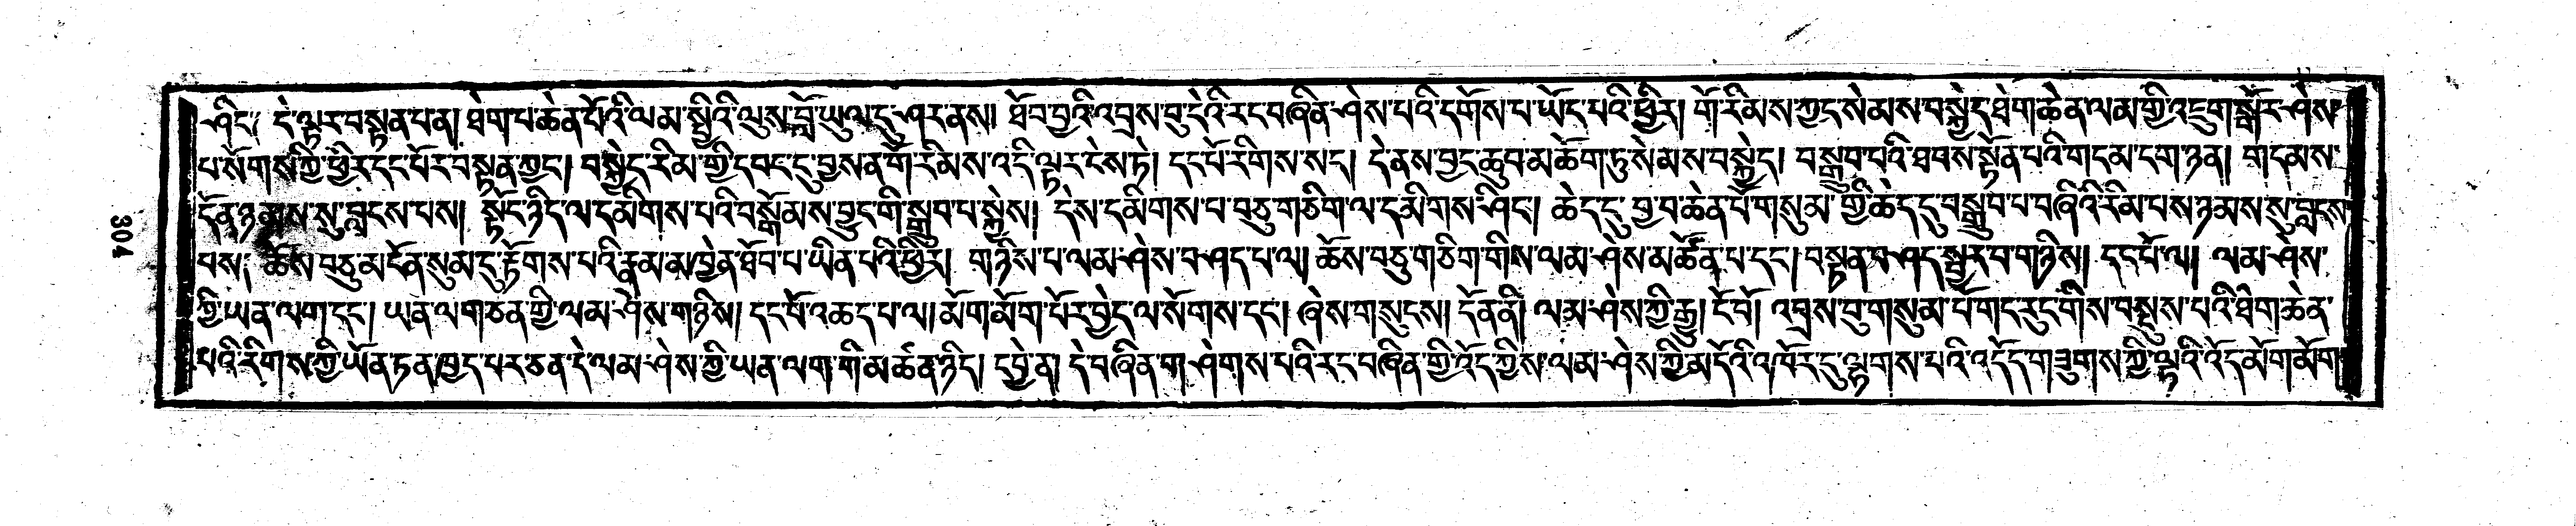ཤིང༑ དེ་ལྟར་བསྟན་པ་ན། ཐེག་པ་ཆེན་པོའི་ལམ་སྤྱིའི་ལུས་བློ་ཡུལ་དུ་ཤར་ནས། ཐོབ་བྱའི་འབྲས་བུ་དེའི་རང་བཞིན་ཤེས་པའི་དགོས་པ་ཡོད་པའི་ཕྱིར། གོ་རིམས་ཀྱང་སེམས་བསྐྱེད་ཐེག་ཆེན་ལམ་གྱི་འཇུག་སྒོར་ཤེས་
པ་སོགས་ཀྱི་ཕྱིར་དང་པོར་བསྟན་ཀྱང་། བསྐྱེད་རིམ་གྱི་དབང་དུ་བྱས་ན་གོ་རིམས་འདི་ལྟར་ངེས་ཏེ། དང་པོ་རིགས་སད། དེ་ནས་བྱང་ཆུབ་མཆོག་ཏུ་སེམས་བསྐྱེད། བསྒྲུབ་པའི་ཐབས་སྟོན་པའི་གདམ་ངག་ཉན། གདམས་
དོན་ཉམས་སུ་བླངས་པས། སྟོང་ཉིད་ལ་དམིགས་པའི་བསྒོམས་བྱུང་གི་སྒྲུབ་པ་སྐྱེས། དེས་དམིགས་པ་བཅུ་གཅིག་ལ་དམིགས་ཤིང་། ཆེད་དུ་བྱ་བ་ཆེན་པོ་གསུམ་གྱི་ཆེད་དུ་བསྒྲུབ་པ་བཞིའི་རིམ་པས་ཉམས་སུ་བླངས་
པས༑ ཆོས་བཅུ་མངོན་སུམ་དུ་རྟོགས་པའི་རྣམ་མཁྱེན་ཐོབ་པ་ཡིན་པའི་ཕྱིར། གཉིས་པ་ལམ་ཤེས་བཤད་པ་ལ། ཆོས་བཅུ་གཅིག་གིས་ལམ་ཤེས་མཚོན་པ་དང་། བསྟན་བཤད་སྦྱར་བ་གཉིས། དང་པོ་ལ། ལམ་ཤེས་
ཀྱི་ཡན་ལག་དང་། ཡན་ལག་ཅན་གྱི་ལམ་ཤེས་གཉིས། དང་པོ་འཆད་པ་ལ། མོག་མོག་པོར་བྱེད་ལ་སོགས་དང་། ཞེས་གསུངས། དོན་ནི། ལམ་ཤེས་ཀྱི་རྒྱུ། ངོ་བོ། འབྲས་བུ་གསུམ་པོ་གང་རུང་གིས་བསྡུས་པའི་ཐེག་ཆེན་
པའི་རིགས་ཀྱི་ཡོན་ཏན་ཁྱད་པར་ཅན་དེ་ལམ་ཤེས་ཀྱི་ཡན་ལག་གི་མཚན་ཉིད། དབྱེ་ན། དེ་བཞིན་གཤེགས་པའི་རང་བཞིན་གྱི་འོད་ཀྱིས་ལམ་ཤེས་ཀྱི་མདོའི་འཁོར་དུ་ལྷགས་པའི་འདོད་གཟུགས་ཀྱི་ལྷའི་འོད་མོག་མོག་